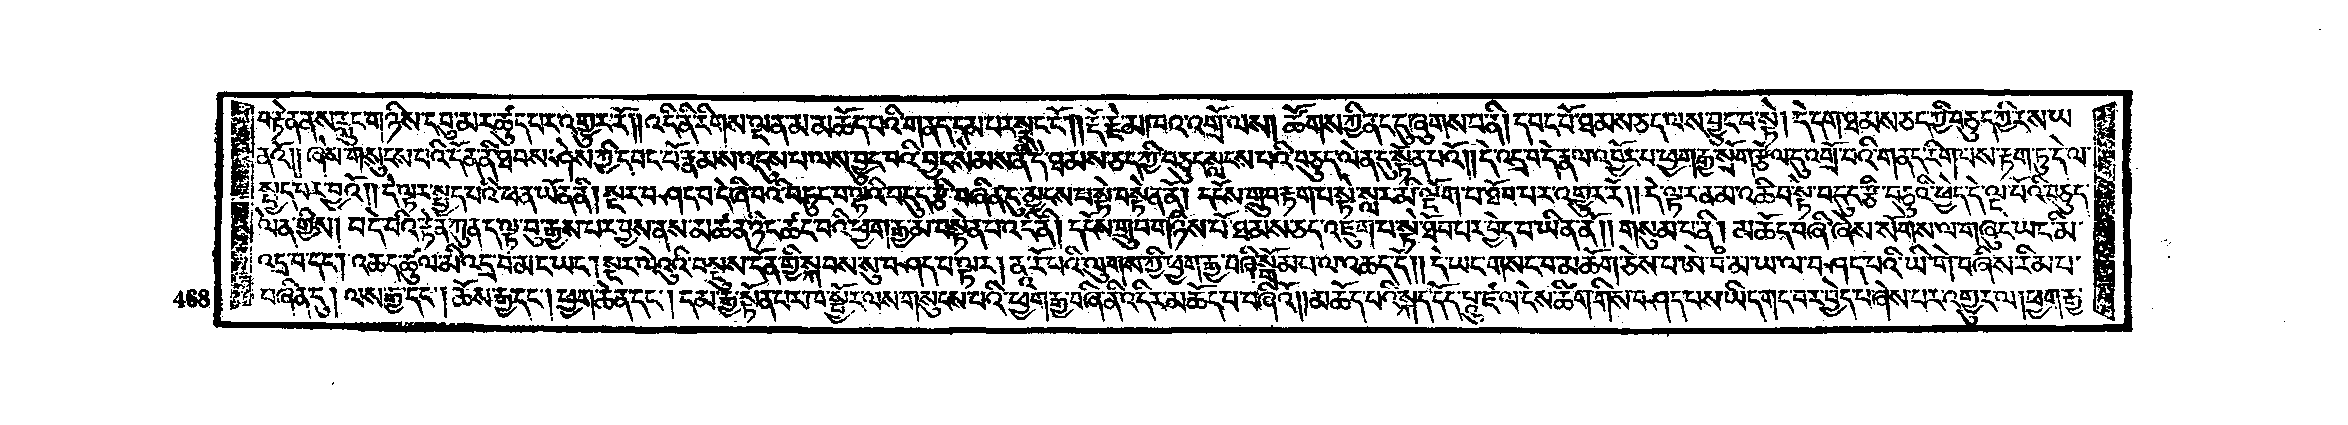བརྟེན་ནས་རླུང་གཉིས་དབུ་མར་ཚུད་པར་འགྱུར་རོ། །འདི་ནི་རིགས་ལྡན་མ་མཆོད་པའི་གནད་དམ་པར་སྣང་ངོ། །རྡོ་རྗེ་མཁའ་འགྲོ་ལས། ཚོགས་ཀྱི་ནང་དུ་ཞུགས་པ་ནི། དབང་པོ་ཐམས་ཅད་ལས་བྱུང་བ་སྟེ། དེ་དག་ཐམས་ཅད་ཀྱི་བཅུད་ཀྱི་ར་ས་ཡ་
ནའོ། །ཞེས་གསུངས་པའི་དོན་ནི་ཐབས་ཤེས་ཀྱི་དབང་པོ་རྣམས་འདུས་པ་ལས་བྱུང་བའི་བྱང་སེམས་ནི་དེ་ཐམས་ཅད་ཀྱི་བཅུད་བླངས་པའི་བཅུད་ལེན་དུ་སྟོན་པའོ། །དེ་འདྲ་བ་དེ་རྣལ་འབྱོར་པ་ཕྱག་རྒྱ་སྲོག་རྩོལ་དུ་འགྲོ་བའི་གནད་རིག་པས་རྟག་ཏུ་དེ་ལ་
སྤྱད་པར་བྱའོ། །དེ་ལྟར་སྤྱད་པའི་ཕན་ཡོན་ནི། སྔར་བཤད་པ་དེ་ཞི་བའི་བཏུང་བ་ལྷའི་བདུད་རྩི་བཞིན་དུ་མྱངས་པ་སྟེ་བསྟེན་ནོ། དངོས་གྲུབ་རྟག་པ་སྟེ་སླར་མི་ལྡོག་པ་ཐོབ་པར་འགྱུར་རོ། །དེ་ལྟར་ན་མི་འཆི་བ་སྟེ་བདུད་རྩི་བཅུའི་ཕྱེད་དེ་ལྔ་པོའི་བཅུད་
ལེན་གྱིས། བདེ་བའི་རྟེན་ཀུན་ད་ལྟ་བུ་རྒྱས་པར་བྱས་ནས་མཚན་ཉིད་ཚང་བའི་ཕྱག་རྒྱ་མ་བསྟེན་པ་འདི་ནི། དངོས་གྲུབ་གཉིས་པོ་ཐམས་ཅད་འཇུག་པ་སྟེ་ཐོབ་པར་བྱེད་པ་ཡིན་ནོ། །གསུམ་པ་ནི། མཆོད་བཞི་ཞེས་སོགས་ལ་གཞུང་ཡང་མི་
འདྲ་བ་དང་། འཆད་ཚུལ་མི་འདྲ་བ་མང་ཡང་། སྔར་ལེའུའི་བསྡུས་དོན་གྱི་སྐབས་སུ་བཤད་པ་ལྟར། ནཱ་རོ་པའི་ལུགས་ཀྱི་ཕྱག་རྒྱ་བཞི་སྒྲོམ་པ་ལ་འཆད་དོ། །དེ་ཡང་གསང་བ་མཆོག་ཅེས་པ་ཨེ་བཾ་མ་ཡ་ལ་བཤད་པའི་ཡི་གེ་བཞིས་རིམ་པ་
བཞིན་དུ། ལས་རྒྱ་དང་། ཆོས་རྒྱ་དང་། ཕྱག་ཆེན་དང་། དམ་རྒྱ་སྟོན་པར་ཁ་སྦྱོར་ལས་གསུངས་པའི་ཕྱག་རྒྱ་བཞི་ནི་འདིར་མཆོད་པ་བཞིའོ། །མཆོད་པའི་སྐད་དོད་པཱུ་ཛ་ལ་ངེས་ཚིག་གིས་བཤད་པས་ཡིད་གང་བར་བྱེད་པ་ཞེས་པར་འགྱུར་ལ། ཕྱག་རྒྱ་